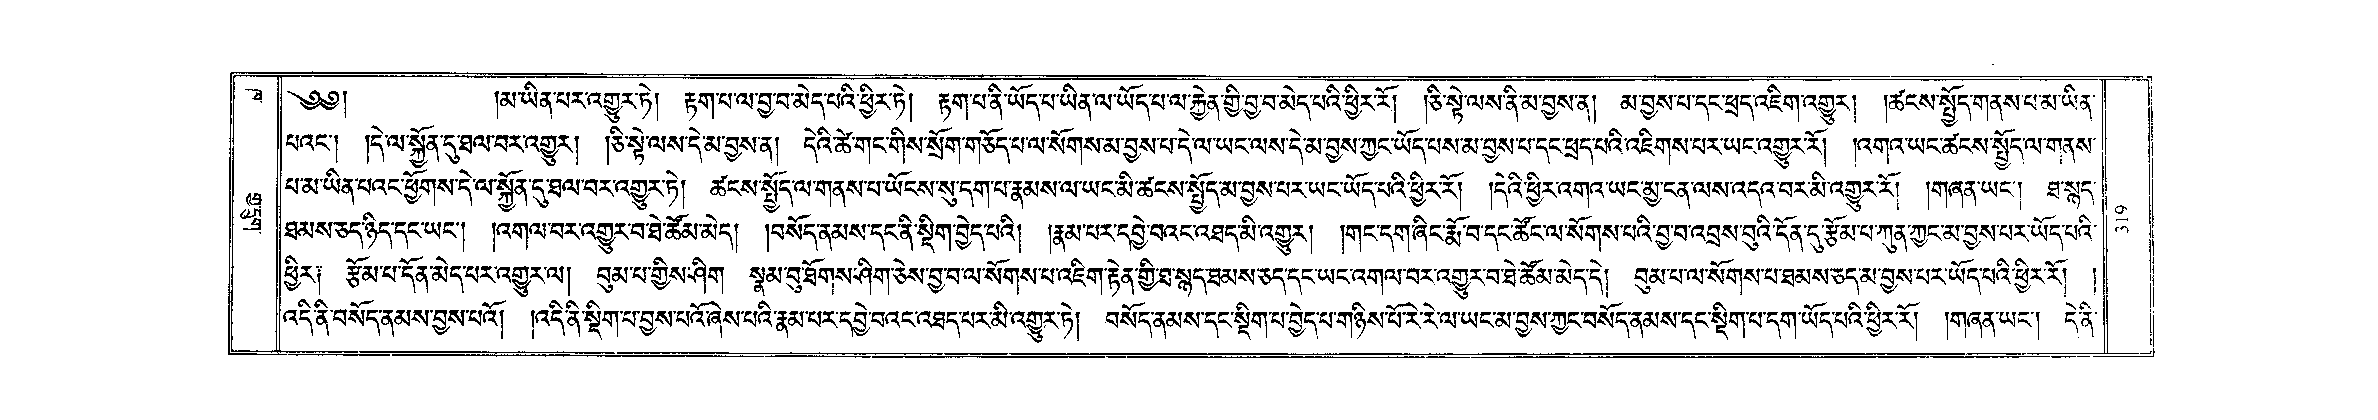༄༅། །མ་ཡིན་པར་འགྱུར་ཏེ། རྟག་པ་ལ་བྱ་བ་མེད་པའི་ཕྱིར་ཏེ། རྟག་པ་ནི་ཡོད་པ་ཡིན་ལ་ཡོད་པ་ལ་རྐྱེན་གྱི་བྱ་བ་མེད་པའི་ཕྱིར་རོ། །ཅི་སྟེ་ལས་ནི་མ་བྱས་ན། མ་བྱས་པ་དང་ཕྲད་འཇིག་འགྱུར། །ཚངས་སྤྱོད་གནས་པ་མ་ཡིན་
པའང་། །དེ་ལ་སྐྱོན་དུ་ཐལ་བར་འགྱུར། །ཅི་སྟེ་ལས་དེ་མ་བྱས་ན། དེའི་ཚེ་གང་གིས་སྲོག་གཅོད་པ་ལ་སོགས་མ་བྱས་པ་དེ་ལ་ཡང་ལས་དེ་མ་བྱས་ཀྱང་ཡོད་པས་མ་བྱས་པ་དང་ཕྲད་པའི་འཇིགས་པར་ཡང་འགྱུར་རོ། །འགའ་ཡང་ཚངས་སྤྱོད་ལ་གནས་
པ་མ་ཡིན་པའང་ཕྱོགས་དེ་ལ་སྐྱོན་དུ་ཐལ་བར་འགྱུར་ཏེ། ཚངས་སྤྱོད་ལ་གནས་པ་ཡོངས་སུ་དག་པ་རྣམས་ལ་ཡང་མི་ཚངས་སྤྱོད་མ་བྱས་པར་ཡང་ཡོད་པའི་ཕྱིར་རོ། །དེའི་ཕྱིར་འགའ་ཡང་མྱ་ངན་ལས་འདའ་བར་མི་འགྱུར་རོ། །གཞན་ཡང་། ཐ་སྙད་
ཐམས་ཅད་ཉིད་དང་ཡང་། །འགལ་བར་འགྱུར་བ་ཐེ་ཚོམ་མེད། །བསོད་ནམས་དང་ནི་སྡིག་བྱེད་པའི། །རྣམ་པར་དབྱེ་བའང་འཐད་མི་འགྱུར། །གང་དག་ཞིང་རྨོ་བ་དང་ཚོང་ལ་སོགས་པའི་བྱ་བ་འབྲས་བུའི་དོན་དུ་རྩོམ་པ་ཀུན་ཀྱང་མ་བྱས་པར་ཡོད་པའི་
ཕྱིར༑ རྩོམ་པ་དོན་མེད་པར་འགྱུར་ལ། བུམ་པ་གྱིས་ཤིག་སྣམ་བུ་ཐོགས་ཤིག་ཅེས་བྱ་བ་ལ་སོགས་པ་འཇིག་རྟེན་གྱི་ཐ་སྙད་ཐམས་ཅད་དང་ཡང་འགལ་བར་འགྱུར་བ་ཐེ་ཚོམ་མེད་དེ། བུམ་པ་ལ་སོགས་པ་ཐམས་ཅད་མ་བྱས་པར་ཡོད་པའི་ཕྱིར་རོ། །
འདི་ནི་བསོད་ནམས་བྱས་པའོ། །འདི་ནི་སྡིག་པ་བྱས་པའོ་ཞེས་པའི་རྣམ་པར་དབྱེ་བའང་འཐད་པར་མི་འགྱུར་ཏེ། བསོད་ནམས་དང་སྡིག་པ་བྱེད་པ་གཉིས་པོ་རེ་རེ་ལ་ཡང་མ་བྱས་ཀྱང་བསོད་ནམས་དང་སྡིག་པ་དག་ཡོད་པའི་ཕྱིར་རོ། །གཞན་ཡང་། དེ་ནི་